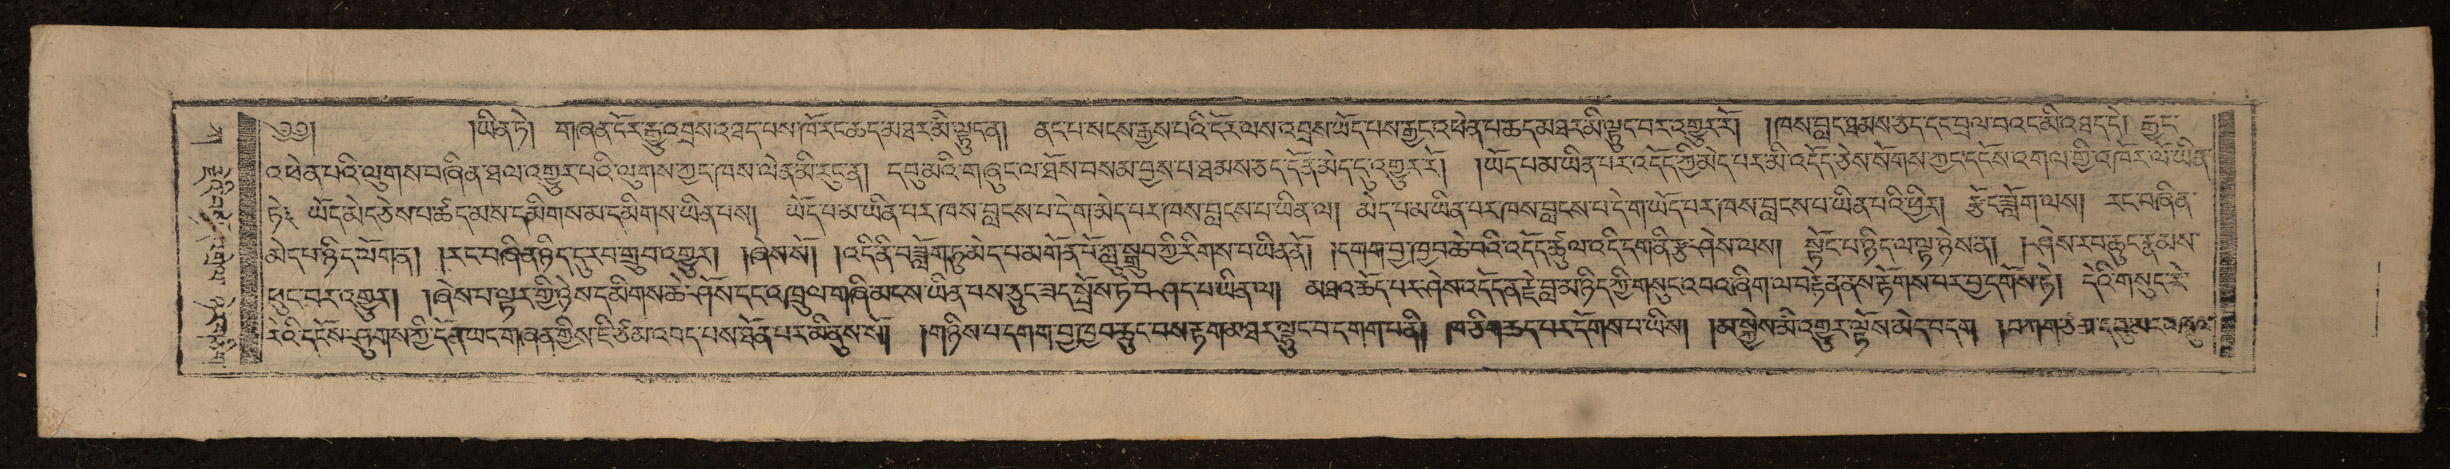༄༅། །ཡིན་ཏེ། གཞན་ངོར་རྒྱུ་འབྲས་འཐད་པས་ཁོ་རང་ཆད་མཐར་མི་ལྷུང་ན། ནང་བ་སངས་རྒྱས་བའི་ངོར་ལས་འབྲས་ཡོད་པས་རྒྱང་འཕེན་བ་ཆད་མཐར་མི་ལྟུང་བར་འགྱུར་རོ། །ཁས་བླང་ཐམས་ཅད་དང་བྲལ་བའང་མི་འཐད་དེ། རྒྱང་
འཕེན་པའི་ལུགས་བཞིན་ཐལ་འགྱུར་བའི་ལུགས་ཀྱང་ཁས་ལན་མི་རུང་ན། དབུ་མའི་གཞུང་ལ་ཐོས་བསམ་བྱས་པ་ཐམས་ཅད་དོན་མེད་དུ་འགྱུར་རོ། །ཡོད་པ་མ་ཡིན་པར་འདོད་ཀྱི་མེད་པར་མ་འདོད་ཅེས་སོགས་ཀྱང་དངོས་འགལ་གྱི་འཁོར་ལོ་ཡིན་
ཏེ༑ ཡོད་མེད་ཅེས་པ་ཚད་མས་དམིགས་མ་དམིགས་ཡིན་བས། ཡོད་བ་མ་ཡིན་པར་ཁས་བླངས་པ་དེ་ག་མེད་པར་ཁས་བླངས་པ་ཡིན་ལ། མེད་བ་མ་ཡིན་བར་ཁས་བླངས་བ་དེ་ག་ཡོད་བར་ཁས་བླངས་པ་ཡིན་བའི་ཕྱིར། རྩོད་ཟློག་ལས། རང་བཞིན་
མེད་པ་ཉིད་ལོག་ན། །རང་བཞིན་ཉིད་དུ་རབ་གྲུབ་འགྱུར། །ཞེས་སོ། །འདི་ནི་བཟློག་ཏུ་མེད་པ་མགོན་པོ་ཀླུ་སྒྲུབ་ཀྱི་རིགས་པ་ཡིན་ནོ། །དགག་བྱ་ཁྱབ་ཆེ་བའི་འདོད་ཚུལ་འདི་དག་ནི་རྩ་ཤེས་ལས། སྟོང་པ་ཉིད་ལ་ལྟ་ཉེས་ན། །ཤེས་རབ་ཆུང་རྣམས་
ཕུང་བར་འགྱུར། །ཞེས་པ་ལྟར་གྱི་ཉེས་དམིགས་ཆེ་ཤོས་དང་འཁྲུལ་གཞི་མངས་ཡིན་བས་ཅུང་ཟད་སྤྲོས་ཏེ་བཤད་བ་ཡིན་ལ། མཐའ་ཆོད་པར་ཤེས་འདོད་ན་རྗེ་བླ་མ་ཉིད་ཀྱི་གསུང་འབའ་ཞིག་ལ་བརྟེན་ནས་རྟོགས་བར་བྱ་དགོས་ཏེ། དེའི་གསུང་རེ་
རེའི་དངོས་ཤུགས་ཀྱི་དོན་ཡང་གཞན་གྱིས་ཇི་ཙམ་འབད་པས་ཐོན་པར་མི་ནུས་སོ། །གཉིས་པ་དགག་བྱ་ཁྱབ་ཆུང་བས་རྟག་མཐར་ལྷུང་བ་དགག་པ་ནི། ཁ་ཅིག་ཆད་པར་དོགས་པ་ཡིས། །མ་སྐྱེས་མི་འགྱུར་ལྟོས་མེད་བདག །བཀག་ཅམ་དབུ་མར་འཁྲུལ་